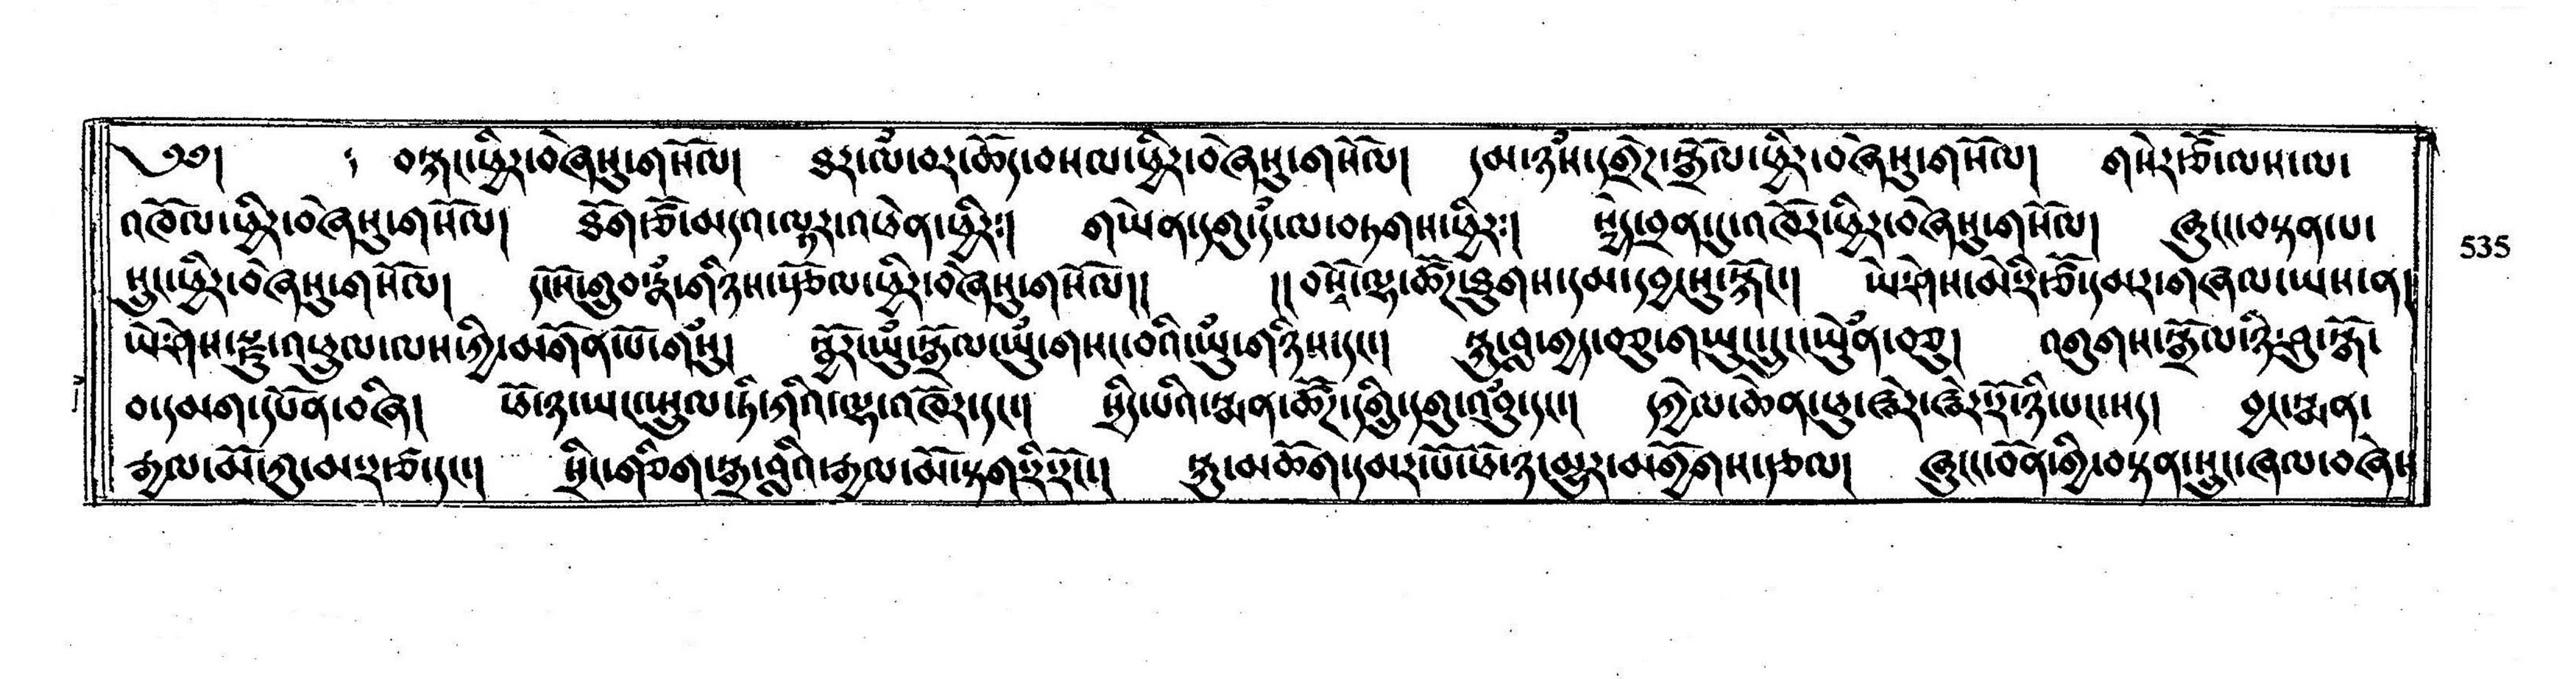བསྐང་ཕྱིར་བཞེས་སུ་གསོལ། ཐར་ལམ་བར་ཆོད་བསལ་ཕྱིར་བཞེས་སུ་གསོལ། དམ་ཉམས་དགྲ་བགེགས་སྒྲོལ་ཕྱིར་བཞེས་སུ་གསོལ། གསེར་ཙོ་ལས་ལ་
འཁོལ་ཕྱིར་བཞེས་སུ་གསོལ། ཐོག་ཙོ་མདའ་ལྟར་འཕེན་ཕྱིར༴། གཡེན་དགུ་དམ་ལ་བཏགས་ཕྱིར༴། སྡེ་བརྒྱད་བྲན་དུ་འཁོར་ཕྱིར་བཞེས་སུ་གསོལ། ཞང་ཞུང་བསྟན་པ་
སྲུང་ཕྱིར་བཞེས་སུ་གསོལ། དངོས་གྲུབ་རྣམ་གཉིས་སྩོལ་ཕྱིར་བཞེས་སུ་གསོལ།། །།བསྭོ་ལྷ་ཚོགས་ཐུགས་དམ་དབྱངས་སུ་སྐོང་། ཡེ་ཤེས་མེ་རི་ཙོ་དམར་གཞལ་ཡས་ན། 
ཡེ་ཤེས་རྫུ་འཕྲུལ་ལས་ཀྱི་མགོན་པོ་གསུམ། སྦྱོར་ཡུམ་སྒྲོལ་ཡུམ་གསང་བའི་ཡུམ་གཉིས་དང་། སྐུ་བླ་གྱད་བཅུ་གཡུང་དྲུང་ཡུམ་ཆེན་བཅུ། འགུགས་སྒྲོལ་ཉི་ཤུ་སྒོ་
བ་དམག་དཔོན་བཞི། ཕོ་ཉ་ཡང་སྤྲུལ་ཏི་ཀའི་ལྷ་འཁོར་དང་། སྲིད་པའི་སྨན་ཚོགས་དགུ་ཁྲི་དགུ་འབུམ་དང་། དཀྱེལ་ཆེན་ཕུ་ཝེར་ཝེར་རོ་ཉི་པང་སད། བྱང་སྨན་
རྒྱལ་མོ་ཀུ་མ་ར་ཙ་དང་། སྲིང་གཅིག་སྒྲ་བླའི་རྒྱལ་མོ་སྟག་རི་རོང་། སྐུ་མཆོག་དམར་པོ་ཕོ་ཉ་མྱུར་མགྱོགས་རྩལ། ཞང་ཞུང་བོན་གྱི་བསྟན་སྲུང་ཞལ་བཞེས་